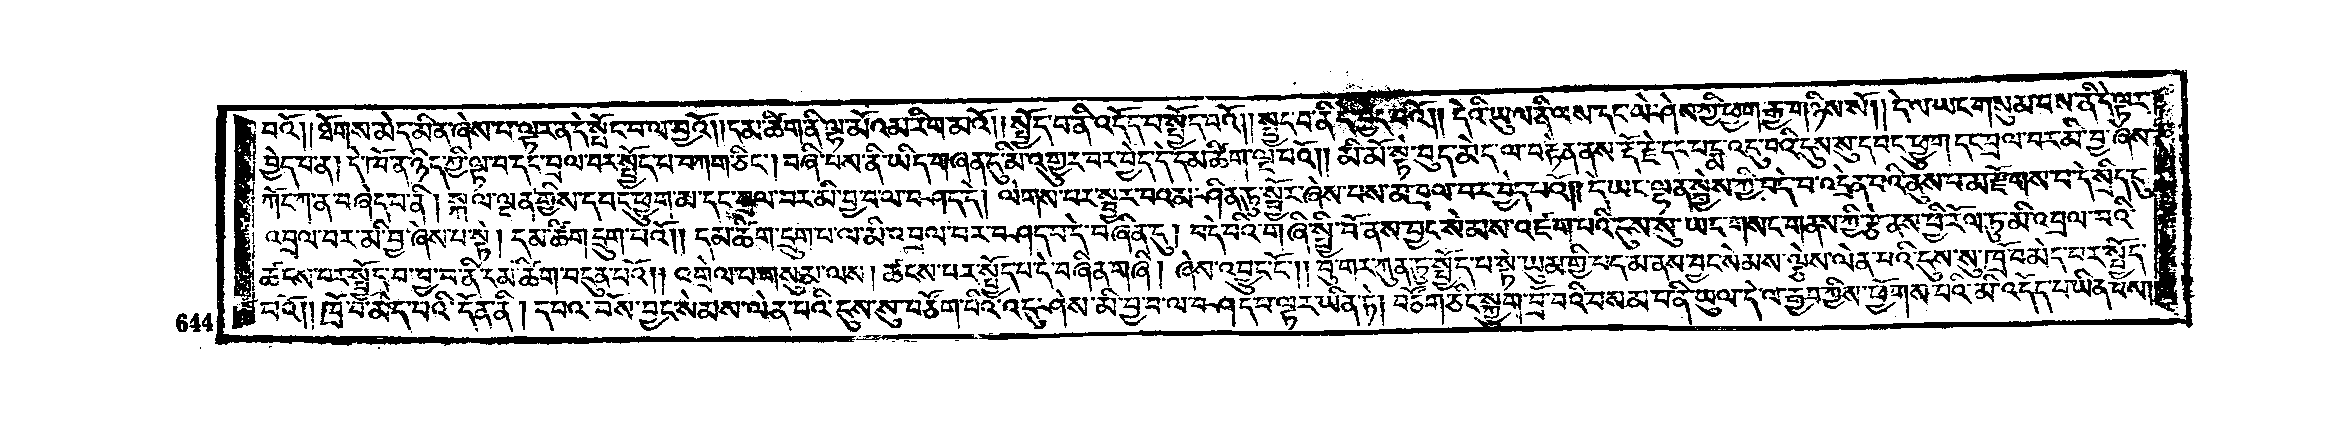པའོ། །ཐོགས་མེད་མིན་ཞེས་པ་ལྟར་ན་དེ་སྤོང་བ་ལ་བྱའོ། །དམ་ཚིག་ནི་ལྷ་མོའམ་རིག་མའོ། །སྤྱོད་པ་ནི་འདོད་པ་སྤྱོད་པའོ། །སྤྱད་པ་ནི་དེ་བྱེད་པའོ། །དེའི་ཡུལ་ནི་ལས་དང་ཡེ་ཤེས་ཀྱི་ཕྱག་རྒྱ་གཉིས་སོ། །དེ་ལ་ཡང་གསུམ་པས་ནི་དེ་ལྟར་
བྱེད་པ་ན། དེ་ཁོ་ན་ཉིད་ཀྱི་ལྟ་བ་དང་བྲལ་བར་སྤྱོད་པ་བཀག་ཅིང་། བཞི་པས་ནི་ཡིད་གཞན་དུ་མི་འགྱུར་བར་བྱེད་དེ་དམ་ཚིག་ལྔ་པའོ། །མི་མོ་སྟེ་བུད་མེད་ལ་བརྟེན་ནས་རྡོ་རྗེ་དང་པདམ་འདུ་བའི་དུས་སུ་དབང་ཕྱུག་དང་བྲལ་བར་མི་བྱ་ཞེས་
ཀོང་ཀ་ན་བཞེད་པ་ནི། སྐལ་ལྡན་གྱིས་དབང་ཕྱུག་མ་དང་བྲལ་བར་མི་བྱ་བ་ལ་བཤད་དེ། ལེགས་པར་སྦྱར་བའམ་ཤིན་ཏུ་སྦྱོར་ཞེས་པས་མ་བྲལ་བར་བྱེད་པའོ། །དེ་ཡང་ལྷན་སྐྱེས་ཀྱི་བདེ་བ་འདྲེན་པའི་ནུས་པ་མ་རྫོགས་པ་དེ་སྲིད་དུ་
འབྲལ་བར་མི་བྱ་ཞེས་པ་སྟེ། དམ་ཚིག་དྲུག་པའོ། །དམ་ཚིག་དྲུག་པ་ལ་མི་འབྲལ་བར་བཤད་པ་དེ་བཞིན་དུ། བདེ་བའི་གཞི་པདམ་འདུ་བའི་དུས་སུ་དབང་ཕྱུག་དང་བྲལ་བར་མི་བྱ་ཞེས་རྩེ་ནས་ཕྱི་རོལ་ཏུ་མི་འབྲལ་བའི་
ཚངས་པར་སྤྱོད་པ་བྱ་བ་ནི་དམ་ཚིག་བདུན་པའོ། །འགྲེལ་པ་གསུམ་ལས། ཚངས་པར་སྤྱོད་པ་དེ་བཞིན་གཞི། ཞེས་འབྱུང་ངོ། །བུ་གར་ཀུན་ཏུ་སྤྱོད་པ་སྟེ་ཡུམ་གྱི་པད་མ་ནས་བྱང་སེམས་ལྕེས་ལེན་པའི་དུས་སུ་ཁྲོ་བ་མེད་པར་སྤྱོད་
པའོ། །ཁྲོ་བ་མེད་པའི་དོན་ནི། དཔའ་བོས་བྱང་སེམས་ལེན་པའི་དུས་སུ་བཙོག་པའི་འདུ་ཤེས་མི་བྱ་བ་ལ་བཤད་པ་ལྟར་ཡིན་ཏེ། བཙོག་ཅིང་སྐྱུག་བྲོ་བའི་བསམ་པ་ནི་ཡུལ་དེ་ལ་རྒྱབ་ཀྱིས་ཕྱོགས་པའི་མི་འདོད་པ་ཡིན་པས།